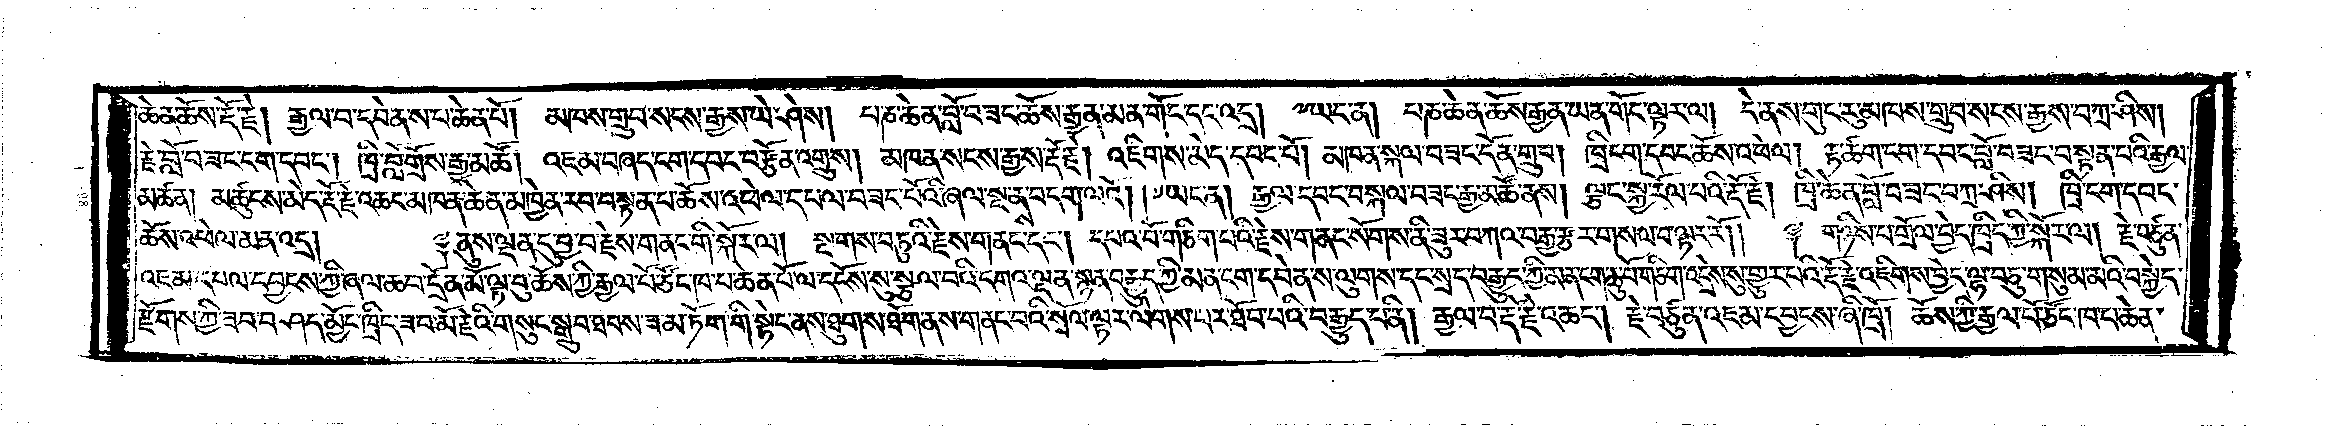ཆེན་ཆོས་རྡོ་རྗེ། རྒྱལ་བ་དབེན་ས་པ་ཆེན་པོ། མཁས་གྲུབ་སངས་རྒྱས་ཡེ་ཤེས། པཎ་ཆེན་བློ་བཟང་ཆོས་རྒྱན་མན་གོང་དང་འདྲ། ༧ཡང་ན། པཎ་ཆེན་ཆོས་རྒྱན་ཡན་གོང་ལྟར་ལ། དེ་ནས་གུང་རུ་མཁས་གྲུབ་སངས་རྒྱས་བཀྲ་ཤིས།
རྗེ་བློ་བཟང་ངག་དབང་། ཁྲི་བློ་གྲོས་རྒྱ་མཚོ། འཇམ་བཞད་ངག་དབང་བརྩོན་འགྲུས། མཁན་སངས་རྒྱས་རྡོ་རྗེ། འཇིགས་མེད་དབང་པོ། མཁན་སྐལ་བཟང་དོན་གྲུབ། ཁྲི་ངག་དབང་ཆོས་འཕེལ། རྟ་ཚང་ངག་དབང་བློ་བཟང་བསྟན་པའི་རྒྱལ་
མཚན། མཚུངས་མེད་རྡོ་རྗེ་འཆང་མཁན་ཆེན་མཁྱེན་རབ་བསྟན་པ་ཆོས་འཕེལ་དཔལ་བཟང་པོའི་ཞལ་སྔ་ནས་བདག་ལའོ། །༧ཡང་ན། རྒྱལ་དབང་བསྐལ་བཟང་རྒྱ་མཚོ་ནས། ལྕང་སྐྱ་རོལ་པའི་རྡོ་རྗེ། ཁྲི་ཆེན་བློ་བཟང་བརྐ་ཤིས། ཁྲི་ངག་དབང་
ཆོས་འཕེལ་མན་འདྲ། ༈ ནུས་ལྡན་དུ་བྱ་བ་རྗེས་གནང་གི་སྐོར་ལ། སྔགས་བཏུའི་རྗེས་གནང་དང་། དཔའ་བོ་གཅིག་པའི་རྗེས་གནང་སོགས་ནི་ཟུར་བཀའ་བརྒྱ་རྩར་གསལ་བ་ལྟར་རོ།། འ་གཉིས་པ་གྲོལ་བྱེད་ཁྲིད་ཀྱི་སྐོར་ལ། རྗེ་བཙུན་
འཇམ་དཔལ་དབྱངས་ཀྱི་ཞལ་ཆབ་དྲོན་མོ་ལྟ་བུ་ཆོས་ཀྱི་རྒྱལ་པོ་ཙོང་ཁ་པ་ཆེན་པོ་ལ་དངོས་སུ་སྩལ་བའི་དགའ་ལྡན་སྙན་བརྒྱུད་ཀྱི་མན་ངག་དབེན་ས་ལུགས་དང་སྲད་བརྒྱུད་ཀྱི་མན་ངག་ཆུ་བོ་གཅིག་འདྲེས་སུ་གྱུར་པའི་རྡོ་རྗེ་འཇིགས་བྱེད་ལྷ་བཅུ་གསུམ་མའི་བསྐྱེད་
རྫོགས་ཀྱི་ཟབ་བཤད་མྱོང་ཁྲིད་ཟབ་མོ་རྗེའི་གསུང་སྒྲུབ་ཐབས་ཟ་མ་ཏོག་གི་སྟེང་ན་ཐུགས་ཐོག་ནས་གནང་བའི་སྲོལ་ལྟར་ལེགས་པར་ཐོབ་པའི་བརྒྱུད་པ་ནི། རྒྱལ་བ་རྡོ་རྗེ་འཆང་། རྗེ་བཙུན་འཇམས་དབྱངས་ཞི་ཁྲོ། ཆོས་ཀྱི་རྒྱལ་པོ་ཙོང་ཁ་པ་ཆེན་